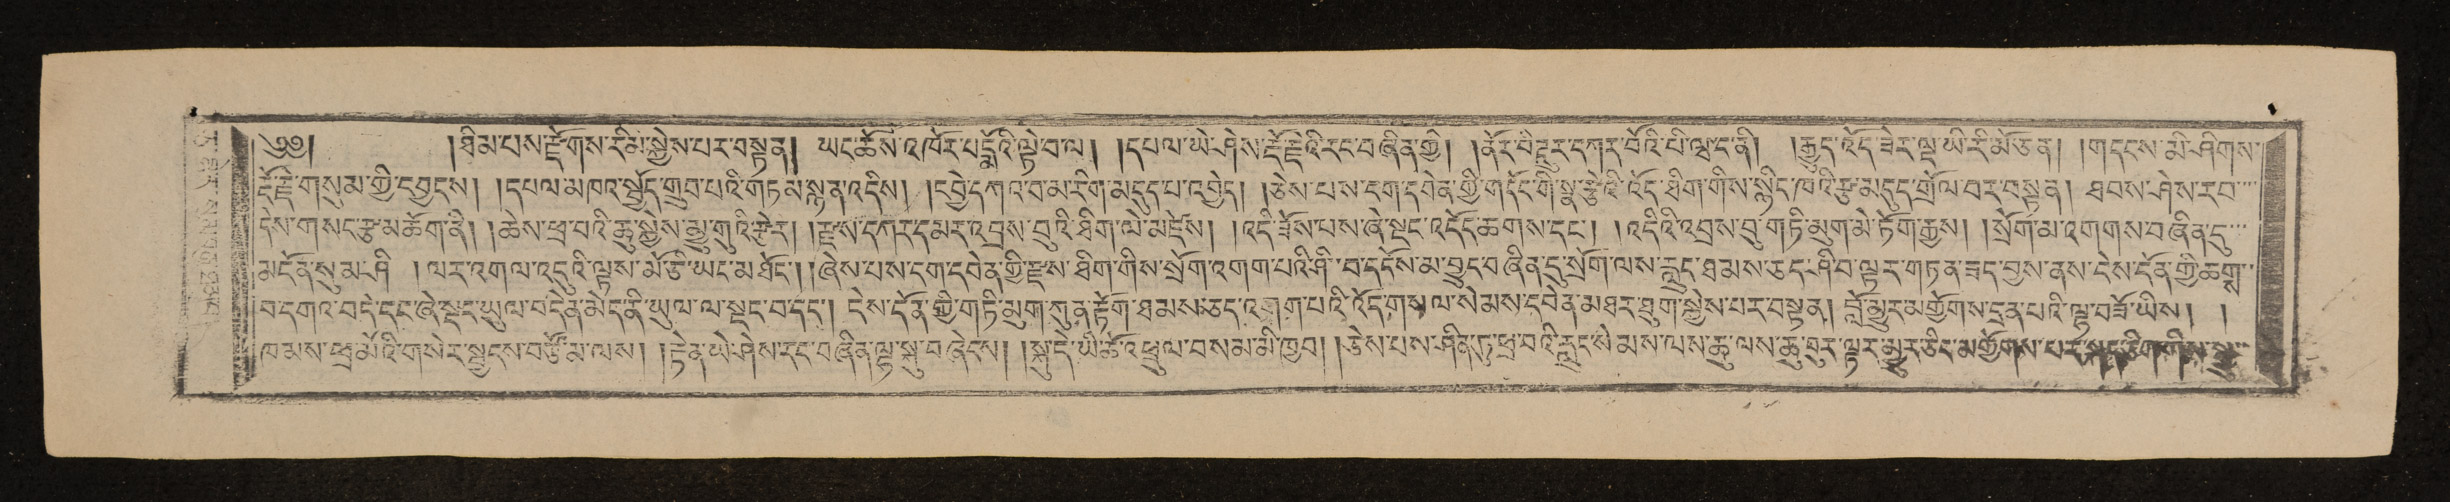༄༅། །ཐིམ་པས་རྫོགས་རིམ་སྐྱེས་པར་བསྟན། ཡང་ཆོས་འཁོར་པདམོའི་ལྟེ་བ་ལ། །དཔལ་ཡེ་ཤེས་རྡོ་རྗེའི་རང་བཞིན་གྱི། །ནོར་བཻཌཱུར་དཀར་པོའི་བི་ཝང་ནི། །རྒྱུད་འོད་ཟེར་ལྔ་ཡི་རི་མེ་ཅན། །གདངས་མི་ཤིགས་
རྡོ་རྗེ་གསུམ་གྱི་དབྱངས། །དཔལ་མཁའ་སྤྱོད་གྲུབ་པའི་གཏམ་སྙན་འདིས། །དབྱེ་དཀའ་བ་མ་རིག་མདུད་པ་འབྱེད། །ཅེས་པས་ངག་དབེན་གྱི་གདོང་གི་སྣ་རྩེའི་འོད་ཐིག་གིས་སྙིང་ཁའི་རྩ་མདུད་གྲོལ་བར་བསྟན། ཐབས་ཤེས་རབ་
ངེས་གསང་རྩ་མཆོག་ནི། །ཆེས་ཕྲ་བའི་ཆུ་སྐྱེས་མྱུ་གུའི་རྩེར། །རྫས་དཀར་དམར་འབྲས་བུའི་ཐིག་ལེ་མཛེས། །འདི་ཟོས་པས་ཞེ་སྡང་འདོད་ཆགས་དང་། །འདིའི་འབྲས་བུ་གཏི་མུག་མེ་ཏོག་རྒྱས། །སྲོག་མ་འགགས་བཞིན་དུ་
མངོན་སུམ་ཤི་།ལར་འགལ་འདུའི་ལྟས་མོ་ཅི་ཡང་མཐོང་། །ཞེས་པས་ངག་དབེན་གྱི་རྫས་ཐིག་གིས་སྲོག་འགག་པའི་ཤི་བ་དངོས་མ་བྱུང་བཞིན་དུ་སྲོག་ལས་རླུང་ཐམས་ཅད་ཤི་བ་ལྟར་གཏན་ཟད་བྱས་ནས་ངེས་དོན་གྱི་ཆགས་
པ་དགའ་བདེ་དང་ཞེ་སྡང་ཡུལ་བདེན་མེད་ནི་ཡུལ་ལ་སྡང་བ་དང་། ངེས་དོན་གྱི་གཏི་མུག་ཀུན་རྟོག་ཐམས་ཅད་འགག་པའི་འོད་གསལ་སེམས་དབེན་མཐར་ཐུག་སྐྱེས་པར་བསྟན། བློ་མྱུར་མགྱོགས་དྲན་པའི་ལྷ་བཟོ་ཡིས། །
ཁམས་ཕྲ་མོའི་གསེར་སྦྱངས་བཙོམ་ལས། །རྟེན་ཡེ་ཤེས་རང་བཞིན་ལྷ་སྐུ་བཞེངས། །སྐུ་དེ་ཡི་ཆོ་འཕྲུལ་བསམ་མི་ཁྱབ། །ཅེས་པས་ཤིན་ཏུ་ཕྲ་བའི་རླུང་སེམས་ལས་ཆུ་ལས་ཆུ་བུར་ལྟར་མྱུར་ཅིང་མགྱོགས་པར་སྐད་ཅིག་གིས་སྒྱུ་